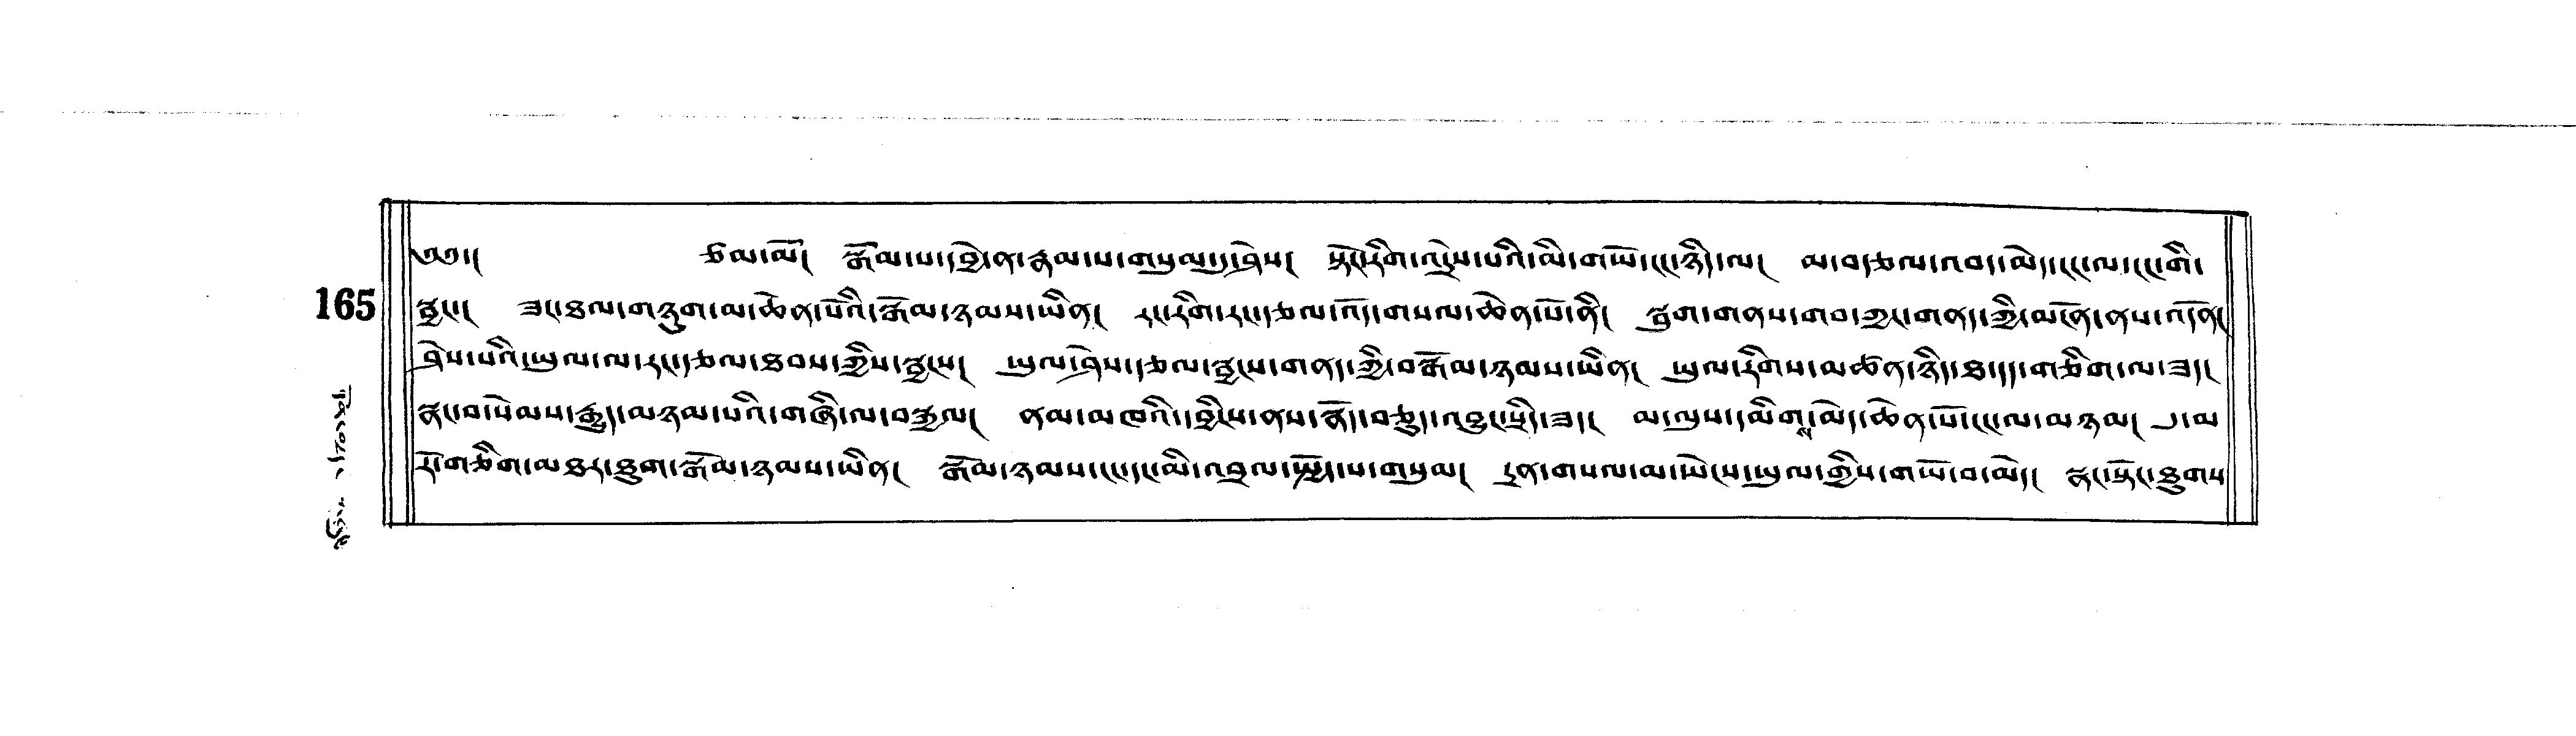ཙམ་མོ། སྒོམ་པ་དབྱེ་ན་རྣམ་པ་གསུམ་དུ་ཤེས། སྟོང་རིག་འདྲེས་པའི་མི་གཡོ་ངང་ཉིད་ལ། མ་རྩལ་འབད་མེད་ངང་ལ་ངང་གིས་
སྦྱང་། ཟང་ཐལ་གཉུག་མ་ཆེན་པོའི་སྒོམ་ཉམས་ཡིན། རང་རིག་རང་རྩལ་འོད་གསལ་ཆེན་པོ་ནི། སྦུག་གནས་གབ་ཀྱང་གནད་ཀྱིས་མངོན་ནས་འདོན། 
ཤེས་པའི་ཡུལ་ལ་རང་རྩལ་ཐབས་ཀྱིས་སྦྱངས། ཡུལ་ཤེས་རྩལ་སྦྱངས་གནད་ཀྱི་སྒོམ་ཉམས་ཡིན། ཡུལ་རིག་མཚན་ཉིད་ཐ་དད་གཅིག་ལ་ཟད། 
སྣང་བ་སེམས་རྒྱུད་མཉམ་པའི་གཞི་ལ་བསྐྱལ། ནམ་མཁའི་དབྱིངས་ལ་སྣོད་བཅུད་འབྱུང་སྲིད་ཟད། མ་ལུས་དམིགས་མེད་ཆེན་པོ་ངང་ལ་མཉམ། དུ་མ་
རོ་གཅིག་མཐར་ཐུག་སྒོམ་ཉམས་ཡིན། སྒོམ་ཉམས་ངང་དང་མི་འབྲལ་སྤྱོད་པ་གསུམ། དྲན་གསལ་མ་ཡེངས་ཡུལ་གྱིས་གཡོ་བ་མེད། སྣང་སྟོང་ཐུགས་